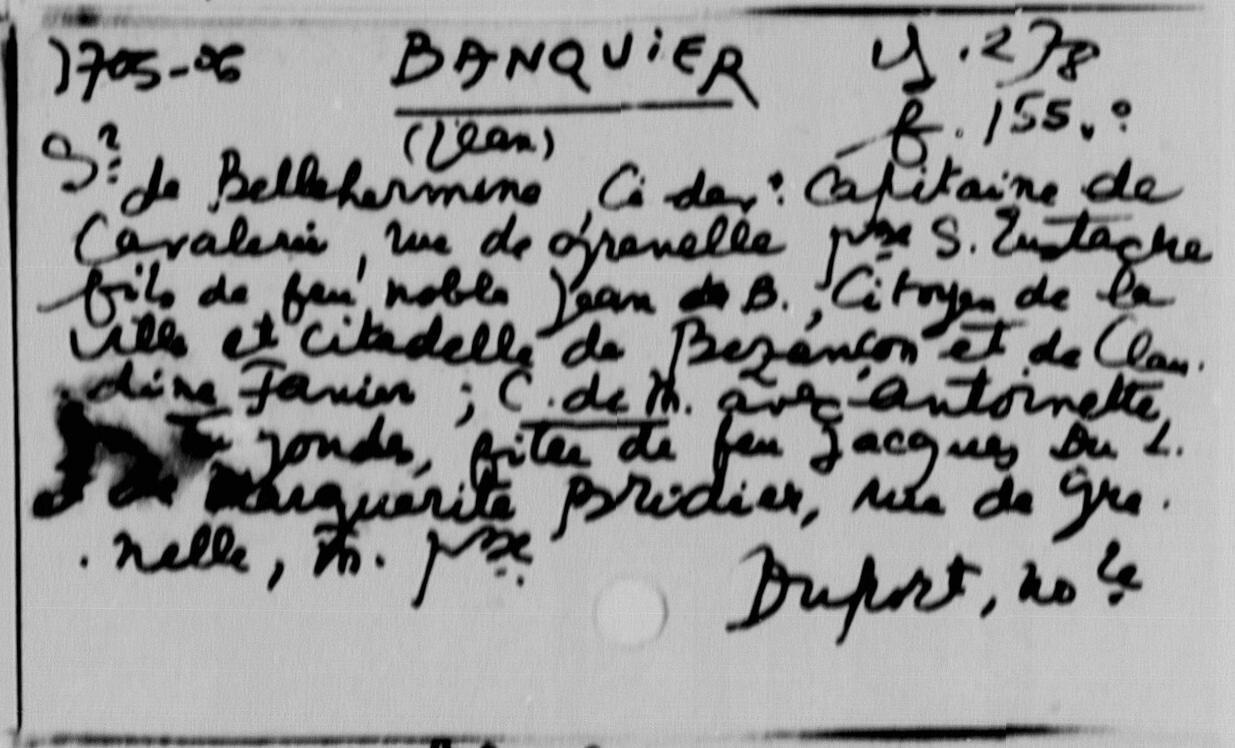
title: BANQUIER (Jean)
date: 1705-1706
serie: Y
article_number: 278
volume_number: folio 155v
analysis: Seigneur de Bellehermine, ci-devant capitaine de Cavalerie, rue de Grenelle, paroisse Saint-Eustache, fils de feu noble Jean de B. citoyen de la Cille et citadelle de Bezançon et de Claudine Fanier. Contrat de mariage avec Antoinette Jondes, fille de feu Jacques Du L. et de Marguerite Bridier, rue de Grenelle, même paroisse Duport, notaire
